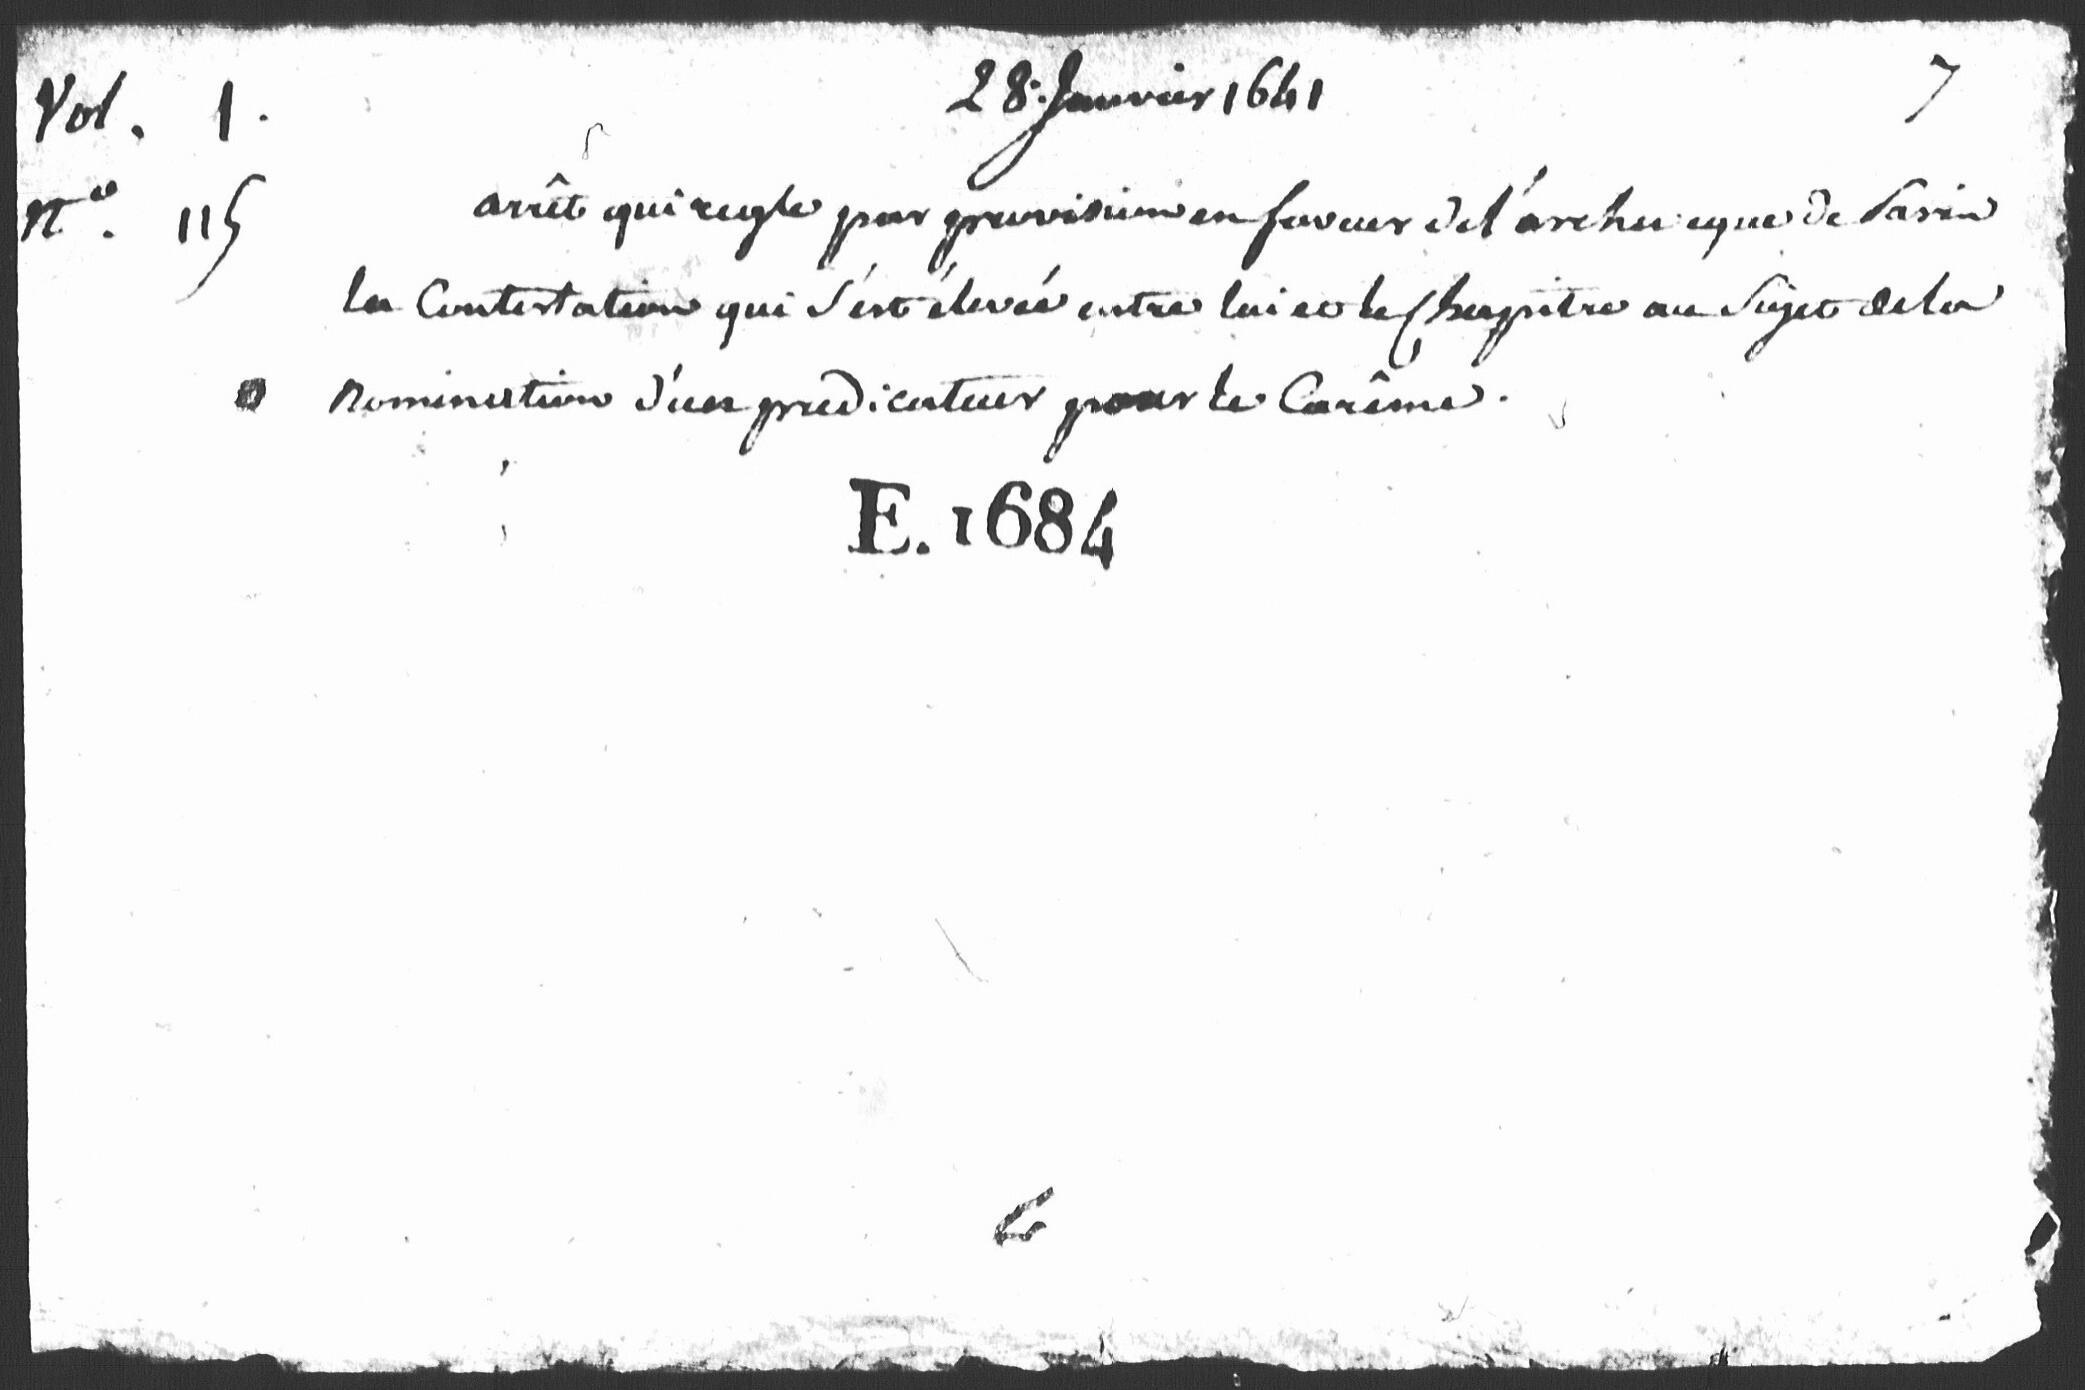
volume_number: n°115
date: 28 janvier 1641
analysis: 7
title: arrêt qui regle par provision en faveur de l'archeveque de paris la contestation qui s'est élevée entre lui et le chapitre au sujet de la nomination d'un predicateur pour le Carême.
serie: E
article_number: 1684
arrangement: vol. 1
